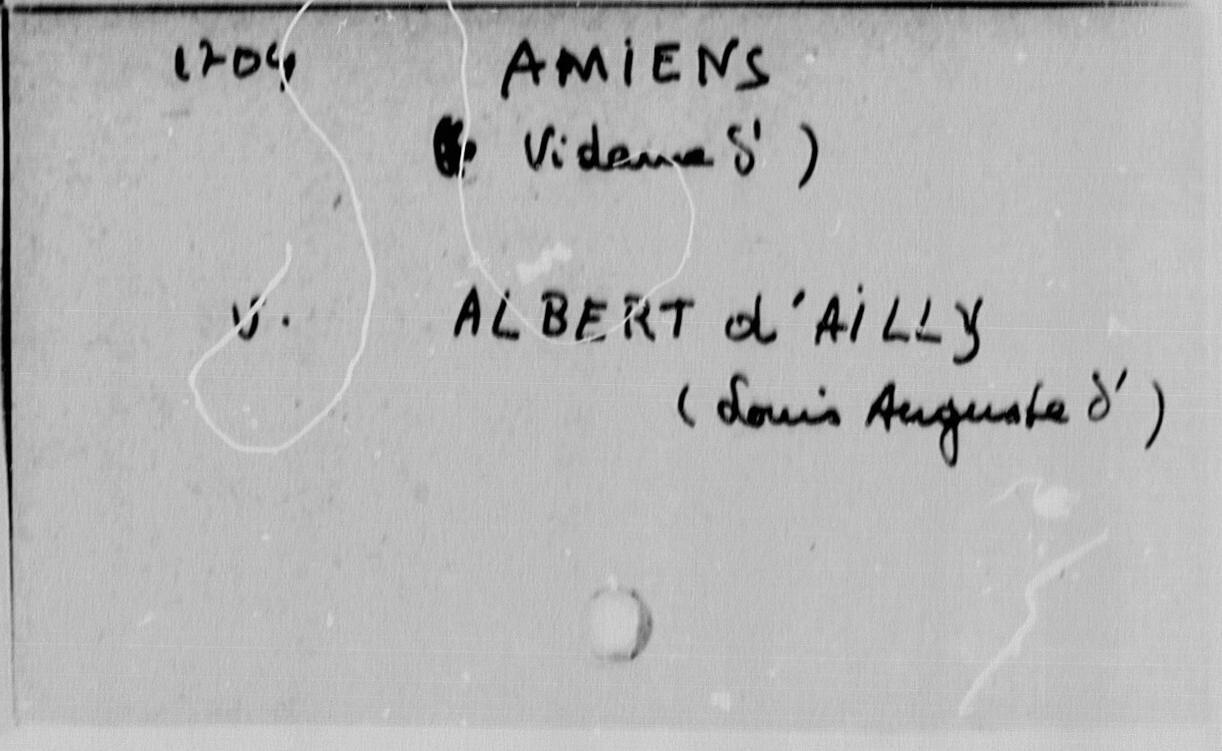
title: AMIENS (vidame d')
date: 1704
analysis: Voir ALBERT D'AILLY (Louis Auguste d')
